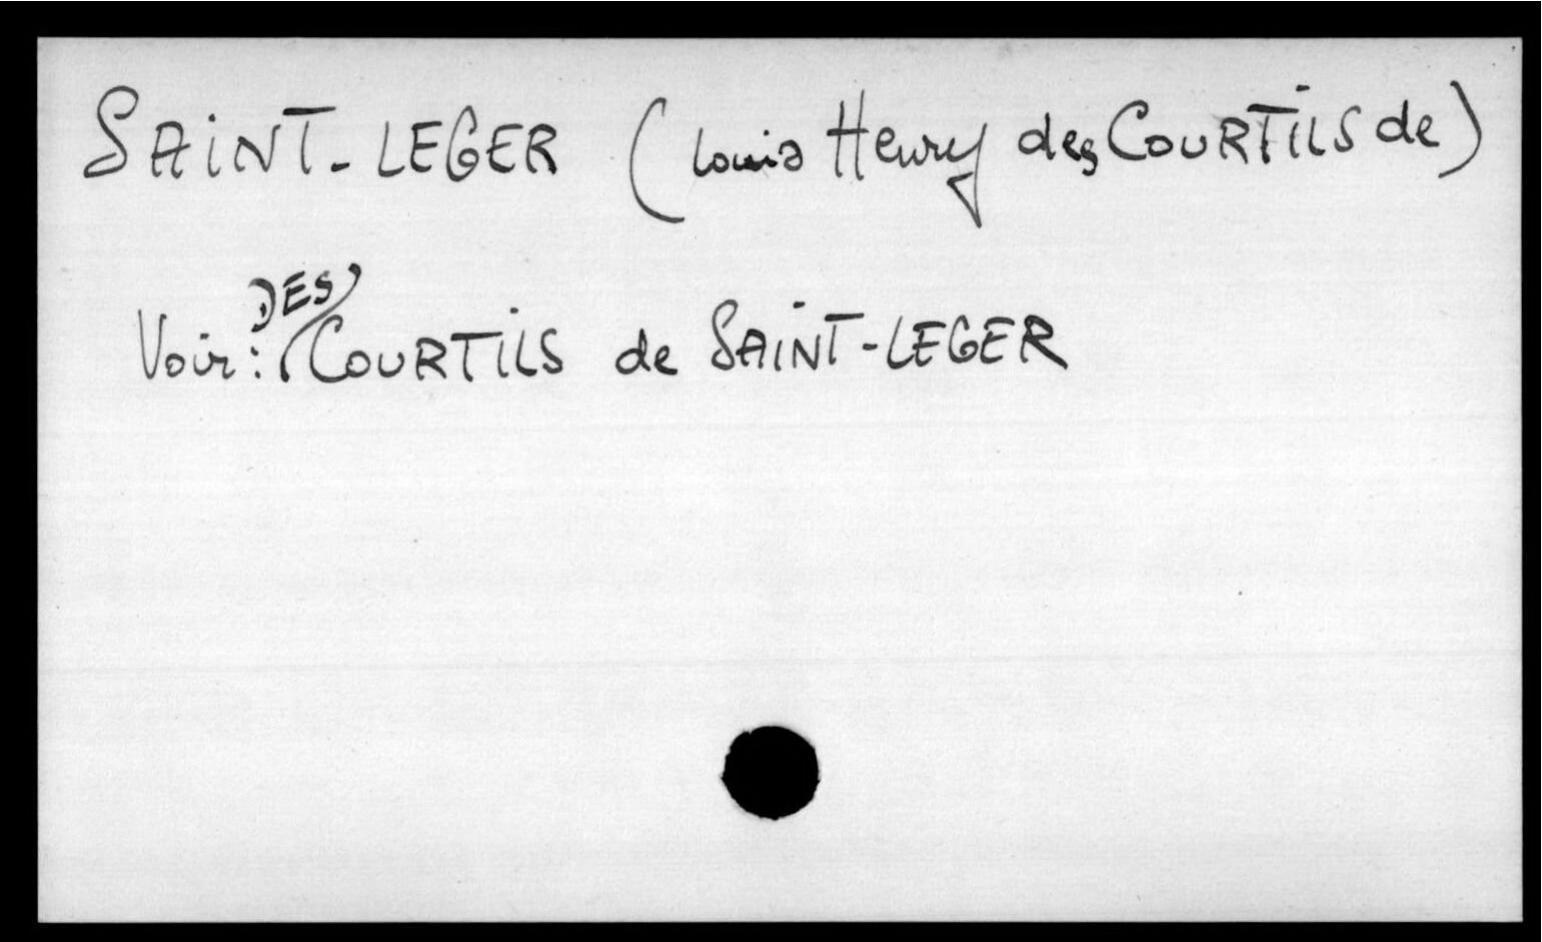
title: SAINT-LÉGER (Louis Henry des courtils de)
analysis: Voir : DES COURTILS de SAINT-LÉGER
